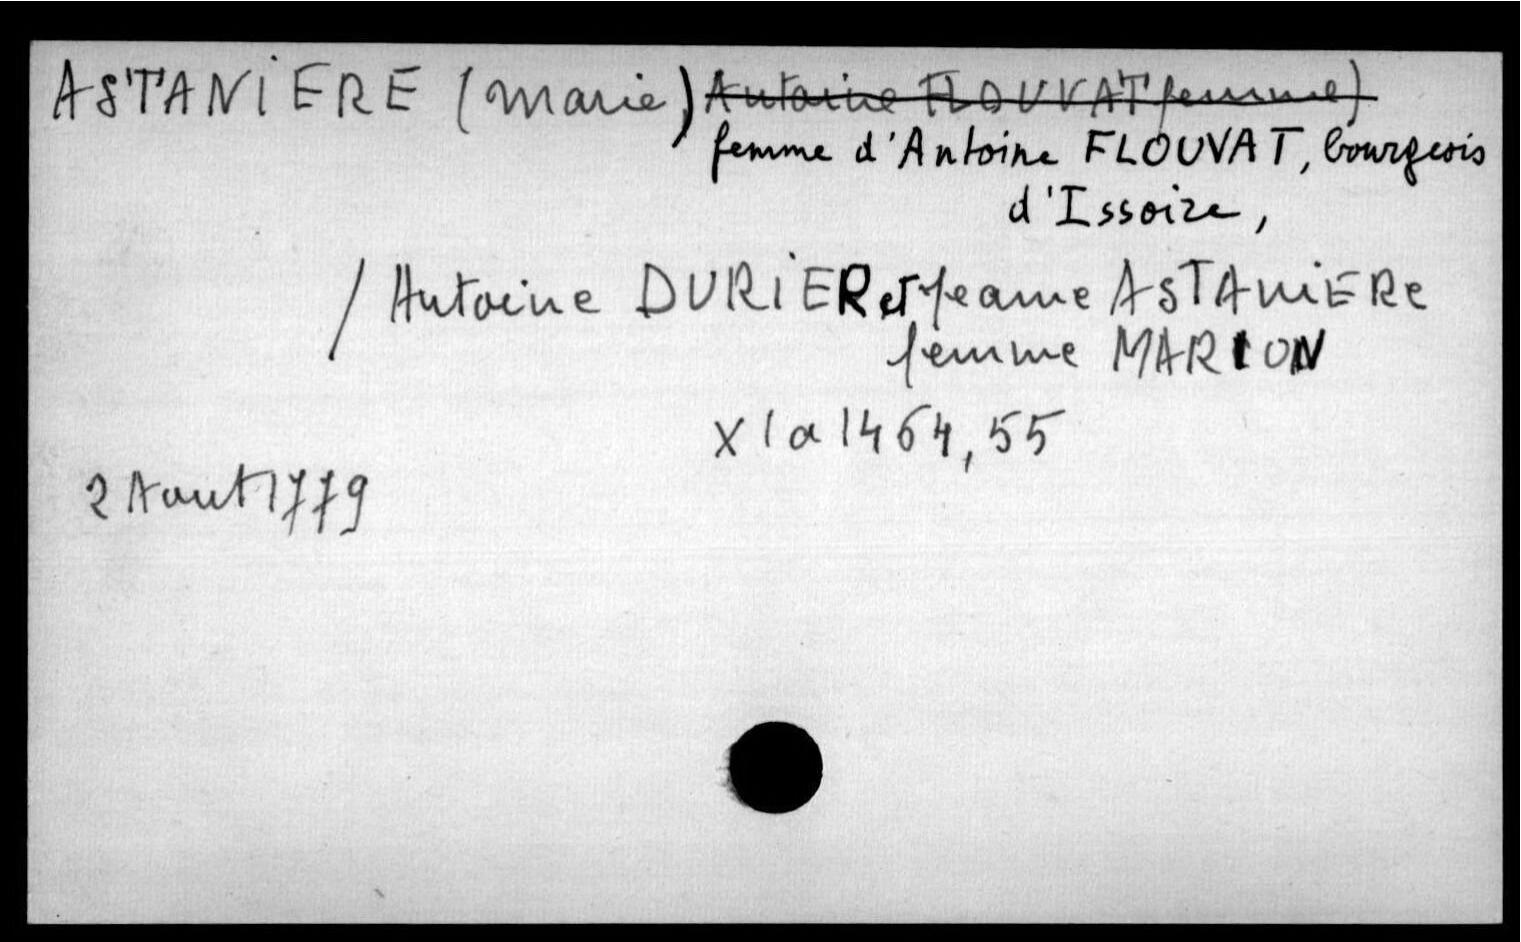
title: ASTANIERE (Marie) femme d'Antoine FlOUVAT, bourgeois d'Issoire,
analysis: Contre Antoine DURIER et Jeanne ASTANIERE femme MARION
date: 2 août 1779
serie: X1a
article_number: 1464
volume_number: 55
